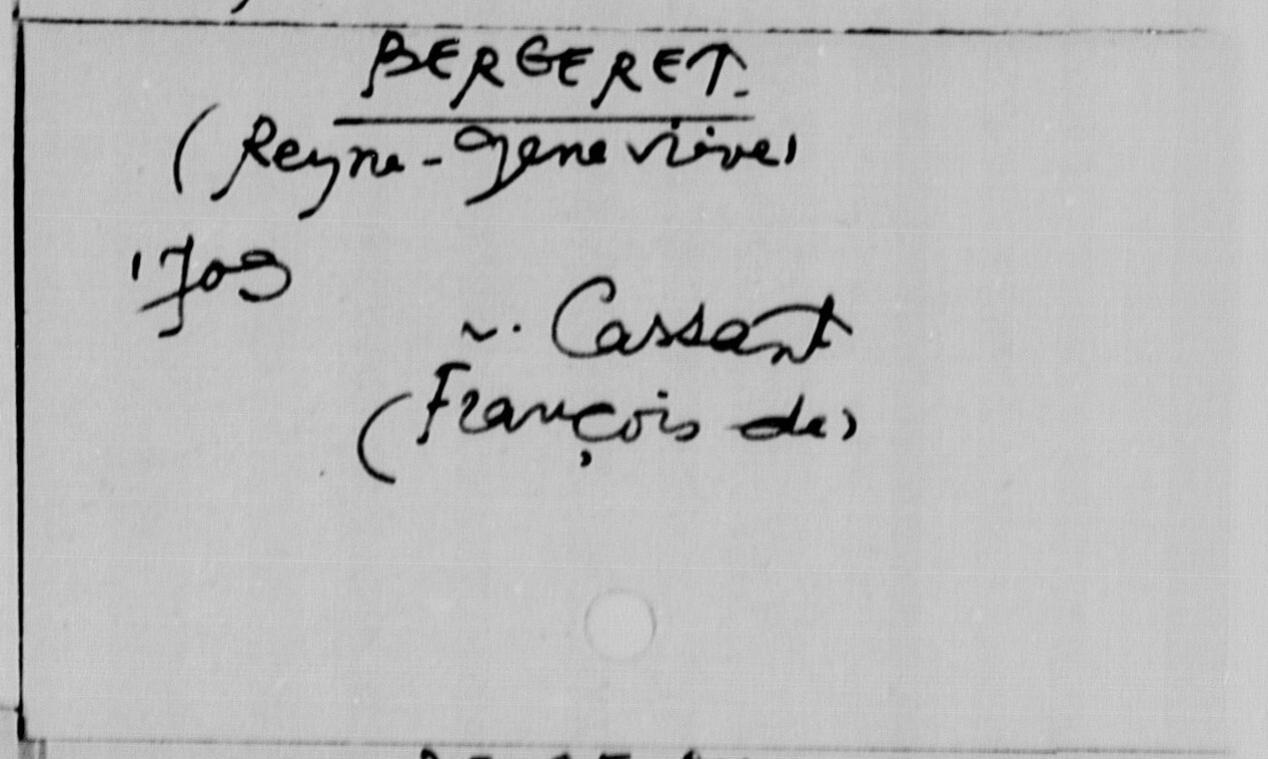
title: BERGERET (Reyne-Geneviève)
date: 1709
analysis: Voir : CASSANT (François de)
